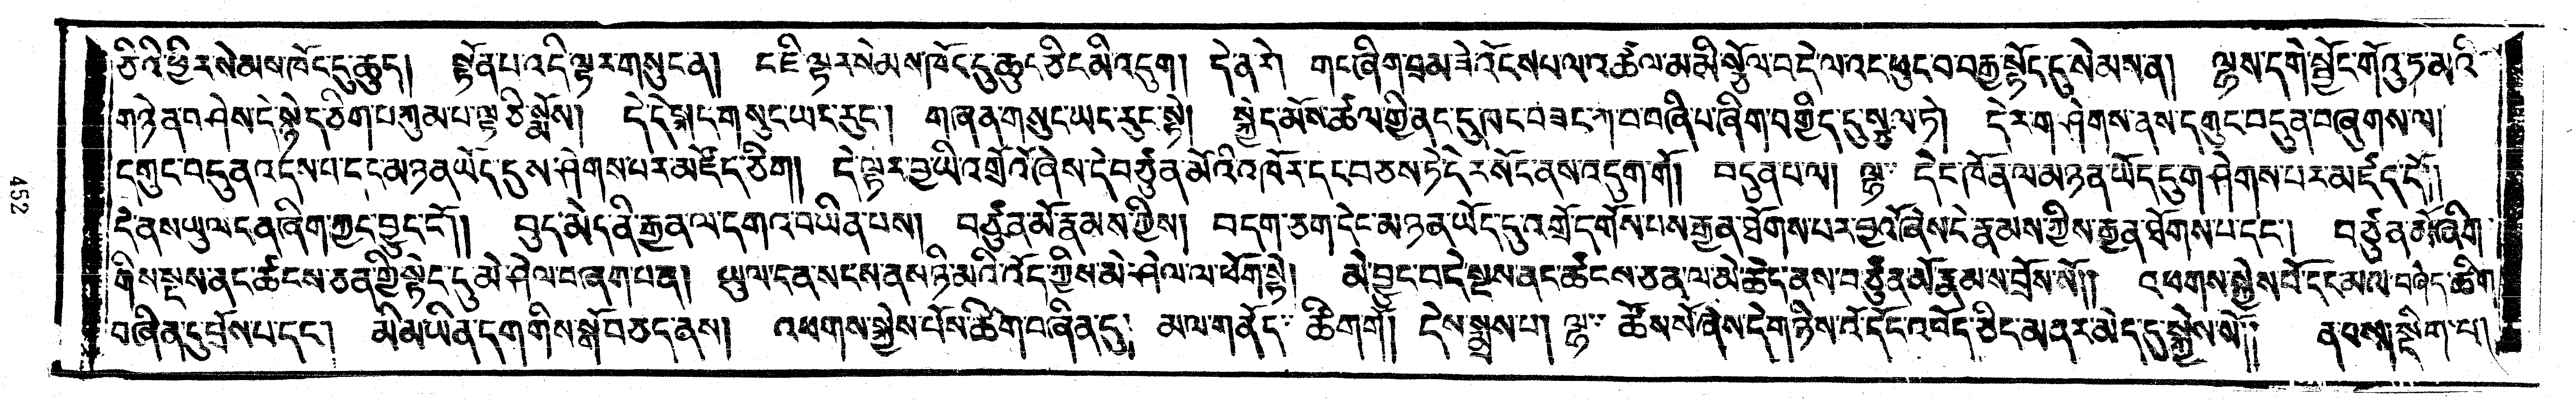ཅིའི་ཕྱིར་སེམས་ཁོང་དུ་ཆུད། སྟོན་པ་འདི་ལྟར་གསུང་ན། ད་ཇི་ལྟར་སེམས་ཁོང་དུ་ཆུད་ཅིང་མི་འདུག །དེ་ན་རེ། གང་ཞིག་བྲམ་ཟེ་འོངས་པ་ལ་འཚལ་མ་མི་སྩོལ་བདེ་ལ་འང་ཕུང་བ་བརྒྱ་སྟོང་དུ་སེམས་ན། ལྷས་དགེ་སྦྱོང་གོའུ་ཏ་མའི་
གཉེན་བཤེས་དེ་སྙེད་ཅིག་པ་ཀུམ་པ་ལྟ་ཅི་སྨོས། དེ་དེ་སྐད་གསུང་ཡང་རུང་། གཞན་གསུང་ཡང་རུང་སྟེ། སྐྱེད་མོས་ཚལ་གྱི་ནང་དུ་ཁང་བཟང་ཀ་བ་བཞི་པ་ཞིག་བགྱིད་དུ་སྩལ་ཏེ། དེར་གཤེགས་ནས་དགུང་བདུན་བཞུགས་ལ།
དགུང་བདུན་འདས་པ་དང་མཉན་ཡོད་དུས་ཤེགས་པར་མཛོད་ཅིག། དེ་ལྟར་བྱ་ཡི་འགྲོའོ་ཞེས་དེ་བཙུན་མོའི་འཁོར་དང་བཅས་ཏེ་དེར་སོང་ནས་འདུག་གོ། བདུན་པ་ལ། ལྷཿ དེང་ཁོ་ན་ལ་མཉན་ཡོད་དུ་གཤེགས་པར་མཛད་དོ།།
དེ་ནས་ཡུལ་ངན་ཞིག་ཀྱང་བྱུང་ངོ།། བུད་མེད་ནི་རྒྱན་ལ་དགའ་བ་ཡིན་པས། བཙུན་མོ་རྣམས་ཀྱིས། བདག་ཅག་དེང་མཉན་ཡོད་དུ་འགྲོ་དགོས་པས་རྒྱན་ཐོགས་པར་བྱའོ་ཞེས་དེ་རྣམས་ཀྱིས་རྒྱན་ཐོགས་པ་དང་། བཙུན་མོ་ཞིག་
གིས་སྔས་ནང་ཚངས་ཅན་གྱི་སྟེང་དུ་མེ་ཤེལ་བཞག་པ་ན། ཡུལ་ངན་སངས་ནས་ཉི་མའི་འོད་ཀྱིས་མེ་ཤེལ་ལ་ཕོག་སྟེ། མེ་བྱུང་བདེ་སྔས་ནང་ཚངས་ཅན་ལ་མེ་ཆེད་ནས་བཙུན་མོ་རྣམས་བྲོས་སོ།།
འཕགས་སྐྱེས་བོ་དང་མལ་བཞེད་ཚིག་བཞིན་དུ་བྲོས་པ་དང་། མི་མ་ཡིན་དག་གིས་སྒོ་བཅད་ནས། འཕགས་སྐྱེས་པོས་ཚིག་བཞིན་དུ། མལ་གནོདཿ ཚིག་གོ། དེས་སྨྲས་པ། ལྷཿ ཚོས་སོ་ཞེས་དེ་གཉིས་འོ་དོང་འབོད་ཅིང་མནར་མེད་དུ་སྐྱེས་སོ། །ན་བས། སྡིག་པ།